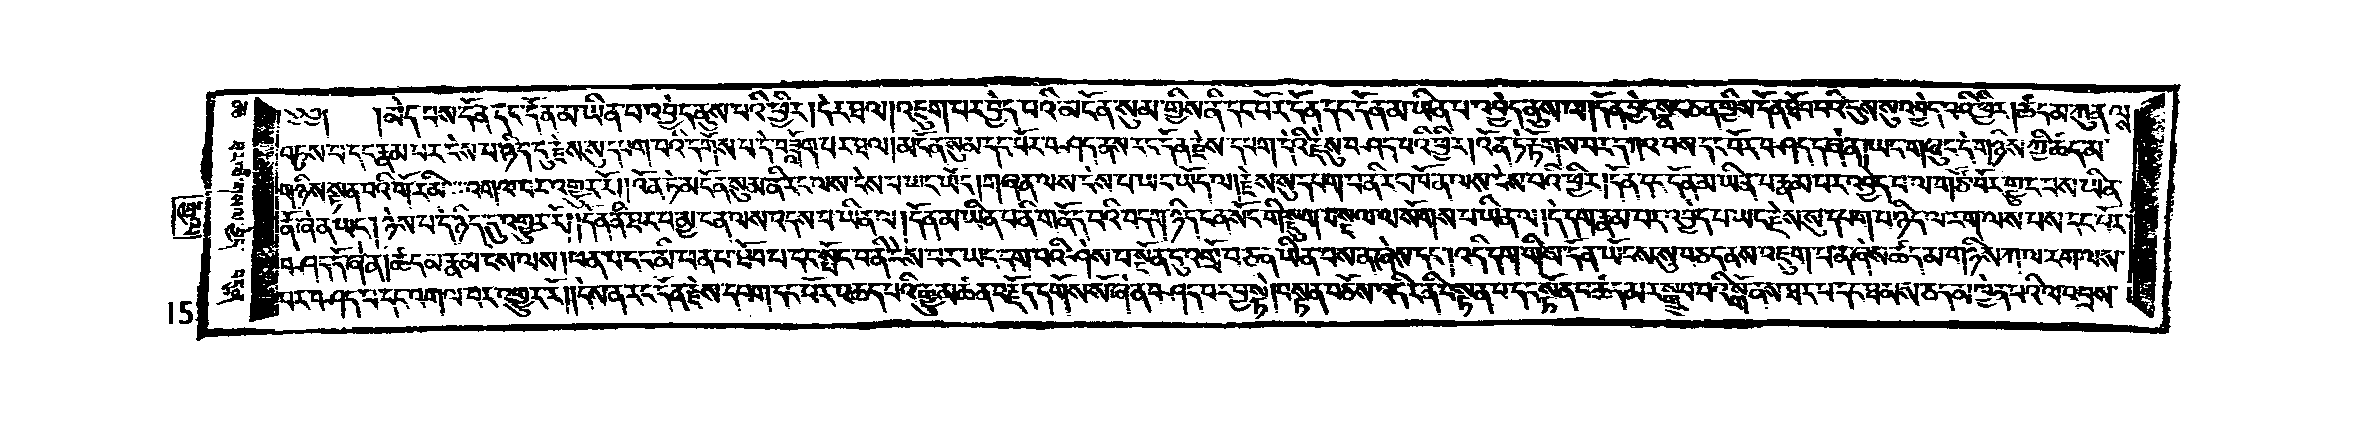༄༅། །མེད་པས་དོན་བར་དོན་མ་ཡིན་པ་འབྱེད་ནུས་པའི་ཕྱིར། དེར་ཐལ། འཇུག་པར་བྱེད་པའི་མངོན་སུམ་གྱིས་ནི་དང་པོར་དོན་དང་དོན་མ་ཡིན་པ་འབྱེད་ནུས་ལ། དོན་བྱེད་སྣང་ཅན་གྱིས་དོན་ཐོབ་པའི་དུས་སུ་འབྱེད་པའི་ཕྱིར། ཚད་མ་ཀུན་ལས་
བཏུས་པ་དང་རྣམ་པར་ངེས་པ་ཉིད་དུ་རྗེས་སུ་དཔག་པའི་དགོས་པ་དེ་བཟློག་པར་ཐལ། མངོན་སུམ་དང་པོར་བཤད་ནས་རང་དོན་རྗེས་དཔག་དེའི་རྗེས་སུ་བཤད་པའི་ཕྱིར། འོན་ཏེ་རྟོགས་པར་དཀའ་བས་དང་པོར་བཤད་དོ་ཞེ་ན། ཡང་གཞུང་དེ་གཉིས་ཀྱི་ཚད་མ་
གཉིས་སྟན་པའི་གོ་རིམ་པ་འགལ་བར་འགྱུར་རོ། །འོན་ཏེ་མངོན་སུམ་ནི་རང་ལས་ངེས་པ་ཡང་ཡོད། གཞན་ལས་ངེས་པ་ཡང་ཡོད་ལ། རྗེས་སུ་དཔག་པ་ནི་རང་ཁོ་ན་ལས་ངེས་པའི་ཕྱིར། དོན་དང་དོན་མ་ཡིན་པ་རྣམ་པར་འབྱེད་པ་ལ་གཙོ་བོར་གྱུར་པས་ཡིན་
ནོ་ཞེ་ན་ཡང་། ཉེས་པ་དེ་ཉིད་དུ་འགྱུར་རོ། །དོན་ནི་ཐར་པ་མྱ་ངན་ལས་འདས་པ་ཡིན་ལ། དོན་མ་ཡིན་པ་ནི་གནོད་པའི་བདག་ཉིད་ངན་སོང་གི་སྡུག་བསྔལ་ལ་སོགས་པ་ཡིན་ལ། དེ་དག་རྣམ་པར་འབྱེད་པ་ཡང་རྗེས་སུ་དཔག་པ་ཉིད་ལ་རག་ལས་པས་དང་པོར་
བཤད་དོ་ཞེ་ན། ཚད་མ་རྣམ་ངེས་ལས། ཕན་པ་དང་མི་ཕན་པ་ཐོབ་པ་དང་སྤོང་བ་ནི་ངེས་པར་ཡང་དག་པའི་ཤེས་པ་སྔོན་དུ་འགྲོ་བ་ཅན་ཡིན་པས་ན་ཞེས་དང་། འདི་དག་གིས་དོན་ཡོངས་སུ་བཅད་ནས་འཇུག་པ་ན་ཞེས་ཚད་མ་གཉིས་ཀ་ལ་རག་ལས་
པར་བཤད་པ་དང་འགལ་བར་འགྱུར་རོ། །དེས་ན་རང་དོན་རྗེས་དཔག་དང་པོར་འཆད་པའི་རྒྱུ་མཚན་བརྗོད་དགོས་སོ་ཞེ་ན་བཤད་པར་བྱ་སྟེ། བསྟན་བཅོས་འདིར་ནི་བསྟན་པ་དང་སྟོན་པ་ཚད་མར་སྒྲུབ་པའི་སྒོ་ནས་ཐར་པ་དང་ཐམས་ཅད་མཁྱེན་པའི་ལ་འབྲས་